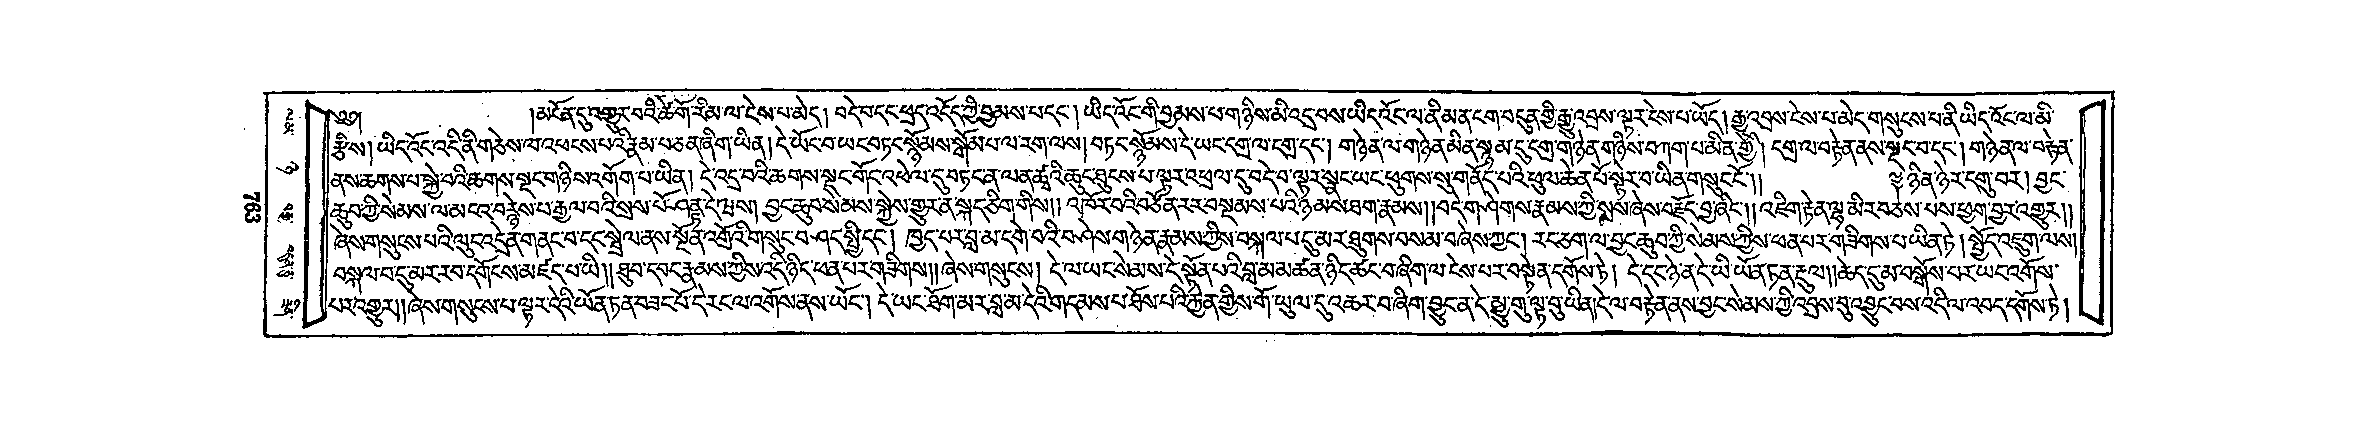༄༅། །མངོན་དུ་འགྱུར་བའི་ཚེ་གོ་རིམ་ལ་ངེས་པ་མེད། བདེ་བ་དང་ཕྲད་འདོད་ཀྱི་བྱམས་པ་དང་། ཡིད་འོང་གི་བྱམས་པ་གཉིས་མི་འདྲ་བས་ཡིད་འོང་ལ་ནི་མན་ངག་བདུན་གྱི་རྒྱུ་འབྲས་ལྟར་ངེས་པ་ཡོད། རྒྱུ་འབྲས་ངེས་པ་མེད་གསུངས་པ་ནི་ཡིད་འོང་ལ་མི་
རྩིས། ཡིད་འོང་འདི་ནི་གཅེས་ལ་འཕངས་པའི་རྣམ་པ་ཅན་ཞིག་ཡིན། དེ་ཡོང་བ་ཡང་བཏང་སྙོམས་སྒོམ་པ་ལ་རག་ལས། བཏང་སྙོམས་དེ་ཡང་དགྲ་ལ་དགྲ་དང་། གཉེན་ལ་གཉེན་མིན་སྙམ་དུ་དགྲ་གཉེན་གཉིས་བཀག་པ་མིན་གྱི། དགྲ་ལ་བརྟེན་ནས་སྡང་བ་དང་། གཉེན་ལ་བརྟེན་
ནས་ཆགས་པ་སྐྱེ་བའི་ཆགས་སྡང་གཉིས་འགོག་པ་ཡིན། དེ་འདྲ་བའི་ཆགས་སྡང་གོང་འཕེལ་དུ་བཏང་ན་ལན་ཚྭའི་ཆུང་ཐུངས་པ་ལྟར་འཕྲལ་དུ་བདེ་བ་ལྟར་སྣང་ཡང་ཕུགས་སུ་གནོད་པའི་ཕུལ་ཆེན་པོ་སྟེར་བ་ཡིན་གསུང་ངོ།། ༈ ཉིན་ཉེར་དགུ་བར། བྱང་
ཆུབ་ཀྱི་སེམས་ལ་མངའ་བརྙེས་པ་རྒྱལ་བའི་སྲས་པོ་ཤནྟ་དེ་ཝས། བྱང་ཆུབ་སེམས་སྐྱེས་གྱུར་ན་སྐད་ཅིག་གིས། འཁོར་བའི་བཙོན་རར་བསྡམས་པའི་ཉམས་ཐག་རྣམས། །བདེ་གཤེགས་རྣམས་ཀྱི་སྨས་ཞེས་བརྗོད་བྱ་ཞིང་། །འཇིག་རྟེན་ལྷ་མིར་བཅས་པས་ཕྱག་བྱར་འགྱུར། །
ཞེས་གསུངས་པའི་ལུང་འདྲེན་གནང་བ་དང་སྦྲེལ་ནས་སྔོན་འགྲོའི་གསུང་བཤད་སྤྱི་དང་། ཁྱད་པར་བླ་མ་དགེ་བའི་བཤེས་གཉེན་རྣམས་ཀྱིས་བསྐལ་པ་དུ་མར་ཐུགས་བསམ་བཞེས་ཀྱང་། རང་ཅག་ལ་བྱང་ཆུབ་ཀྱི་སེམས་ཀྱིས་ཕན་པར་གཟིགས་པ་ཡིན་ཏེ། སྤྱོད་འཇུག་ལས།
བསྐལ་བ་དུ་མར་རབ་དགོངས་མཛད་པ་ཡི། །ཐུབ་དབང་རྣམས་ཀྱིས་འདི་ཉིད་ཕན་པར་གཟིགས། །ཞེས་གསུངས། དེ་ལ་ཡང་སེམས་དེ་སྟོན་པའི་བླ་མ་མཚན་ཉིད་ཚང་བ་ཞིག་ལ་ངེས་པར་བསྟེན་དགོས་ཏེ། དེ་དང་ཉེ་ན་དེ་ཡི་ཡོན་ཏན་རྡུལ། །ཆེད་དུ་མ་བསྒོས་པར་ཡང་འགོས་
པར་འགྱུར། །ཞེས་གསུངས་པ་ལྟར་དེའི་ཡོན་ཏན་བཟང་པོ་དེ་རང་ལ་འགོས་ནས་ཡོང་། དེ་ཡང་ཐོག་མར་བླ་མ་དེའི་གདམས་པ་ཐོས་པའི་རྐྱེན་གྱིས་གོ་ཡུལ་དུ་འཆར་བ་ཞིག་བྱུང་ན་དེ་མྱུ་གུ་ལྟ་བུ་ཡིན། དེ་ལ་བརྟེན་ནས་བྱང་སེམས་ཀྱི་འབྲས་བུ་འབྱུང་བས་འདི་ལ་འབད་དགོས་ཏེ།